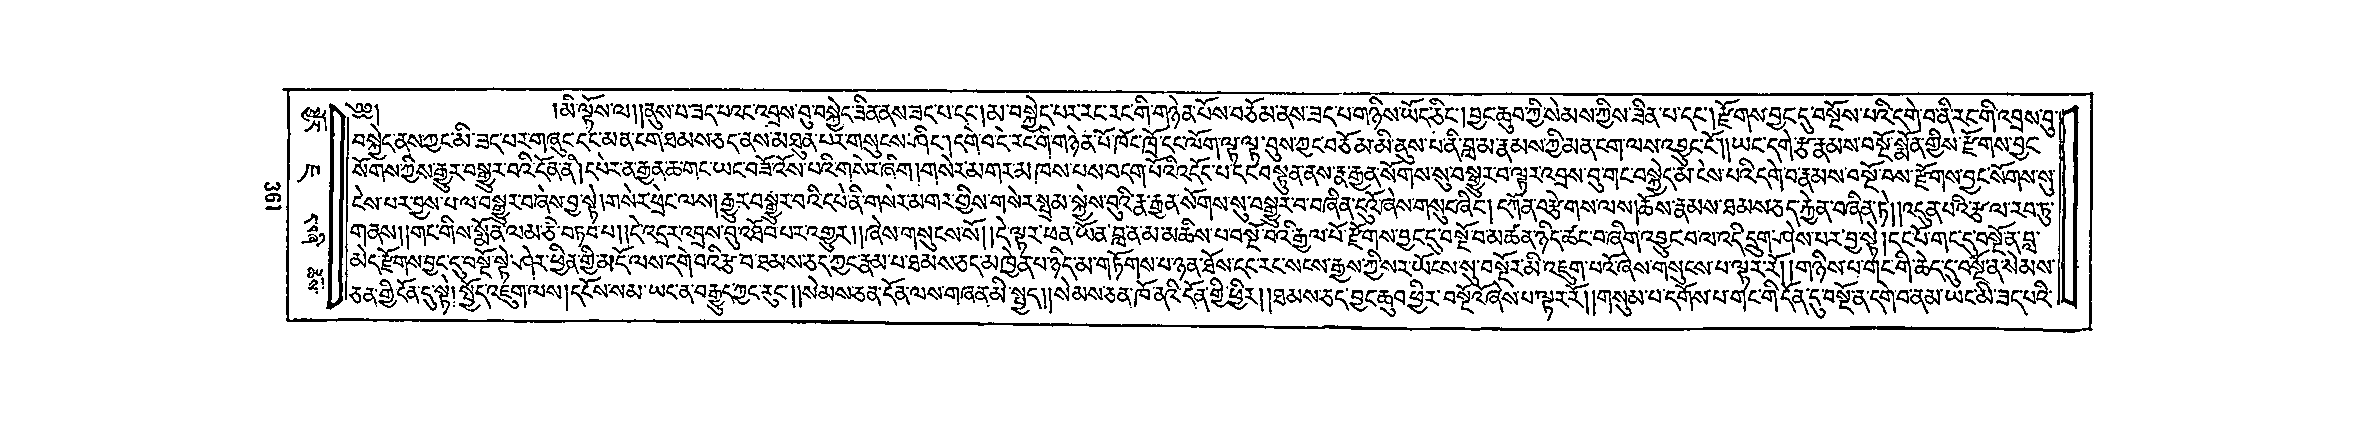༄༅། །མི་ལྟོས་ལ། །ནུས་པ་ཟད་པའང་འབྲས་བུ་བསྐྱེད་ཟིན་ནས་ཟད་པ་དང་། མ་བསྐྱེད་པར་རང་རང་གི་གཉེན་པོས་བཅོམ་ནས་ཟད་པ་གཉིས་ཡོད་ཅིང་། བྱང་ཆུབ་ཀྱི་སེམས་ཀྱིས་ཟིན་པ་དང་། རྫོགས་བྱང་དུ་བསྔོས་པའི་དགེ་བ་ནི་རང་གི་འབྲས་བུ་
བསྐྱེད་ནས་ཀྱང་མི་ཟད་པར་གཞུང་དང་མན་ངག་ཐམས་ཅད་ནས་མཐུན་པར་གསུངས་ཤིང་། དགེ་བ་དེ་རང་གི་གཉེན་པོ་ཁོང་ཁྲོ་དང་ལོག་ལྟ་ལྟ་བུས་ཀྱང་བཅོམ་མི་ནུས་པ་ནི་བླ་མ་རྣམས་ཀྱི་མན་ངག་ལས་འབྱུང་ངོ། །ཡང་དགེ་རྩ་རྣམས་བསྔོ་སྨོན་གྱིས་རྫོགས་བྱང་
སོགས་ཀྱིས་རྒྱུར་བསྒྱུར་བའི་དོན་ནི། དཔེར་ན་རྒྱན་ཆ་གང་ཡང་བཟོ་འོས་པའི་གསེར་ཞིག །གསེར་མགར་མཁས་པས་བདག་པོའི་འདོད་པ་དང་བསྟུན་ནས་རྣ་རྒྱན་སོགས་སུ་བསྒྱུར་བ་ལྟར་འབྲས་བུ་གང་བསྐྱེད་མ་ངེས་པའི་དགེ་བ་རྣམས་བསྔོ་བས་རྫོགས་བྱང་སོགས་སུ་
ངེས་པར་བྱས་པ་ལ་བསྒྱུར་བ་ཞེས་བྱ་སྟེ། གསེར་ཕྲེང་ལས། རྒྱུར་བསྒྱུར་བའི་དཔེ་ནི་གསེར་མགར་གྱིས་གསེར་སྤྲམ་སྐྱེས་བུའི་རྣ་རྒྱན་སོགས་སུ་བསྒྱུར་བ་བཞིན་དུའོ་ཞེས་གསུང་ཞིང་། དཀོན་བརྩེགས་ལས། ཆོས་རྣམས་ཐམས་ཅད་རྐྱེན་བཞིན་ཏེ། །འདུན་པའི་རྩལ་རབ་ཏུ་
གནས། །གང་གིས་སྨོན་ལམ་ཅི་བཏབ་པ། །དེ་འདྲར་འབྲས་བུ་འཐོབ་པར་འགྱུར། །ཞེས་གསུངས་སོ། །དེ་ལྟར་ཕན་ཡོན་བླ་ན་མ་མཆིས་པ་བསྔོ་བའི་རྒྱལ་པོ་རྫོགས་བྱང་དུ་བསྔོ་བ་མཚན་ཉིད་ཚང་བ་ཞིག་འབྱུང་བ་ལ་འདི་དྲུག་ཤེས་པར་བྱ་སྟེ། དང་པོ་གང་དུ་བསྔོ་ན་བླ་
མེད་རྫོགས་བྱང་དུ་བསྔོ་སྟེ་ཤེར་ཕྱིན་གྱི་མདོ་ལས་དགེ་བའི་རྩ་བ་ཐམས་ཅད་ཀྱང་རྣམ་པ་ཐམས་ཅད་མཁྱེན་པ་ཉིད་མ་གཏོགས་པ་ཉན་ཐོས་དང་རང་སངས་རྒྱས་ཀྱི་སར་ཡོངས་སུ་བསྔོར་མི་འཇུག་པའོ་ཞེས་གསུངས་པ་ལྟར་རོ། །གཉིས་པ་གང་གི་ཆེད་དུ་བསྔོ་ན་སེམས་
ཅན་གྱི་དོན་དུ་སྟེ། སྤྱོད་འཇུག་ལས། དངོས་སམ་ཡང་ན་བརྒྱུད་ཀྱང་རུང་། །སེམས་ཅན་དོན་ལས་གཞན་མི་སྤྱད། །སེམས་ཅན་ཁོ་ནའི་དོན་གྱི་ཕྱིར། །ཐམས་ཅད་བྱང་ཆུབ་ཕྱིར་བསྔོའོ་ཞེས་པ་ལྟར་རོ། །གསུམ་པ་དགོས་པ་གང་གི་དོན་དུ་བསྔོ་ན་དགེ་བ་ནམ་ཡང་མི་ཟད་པའི་